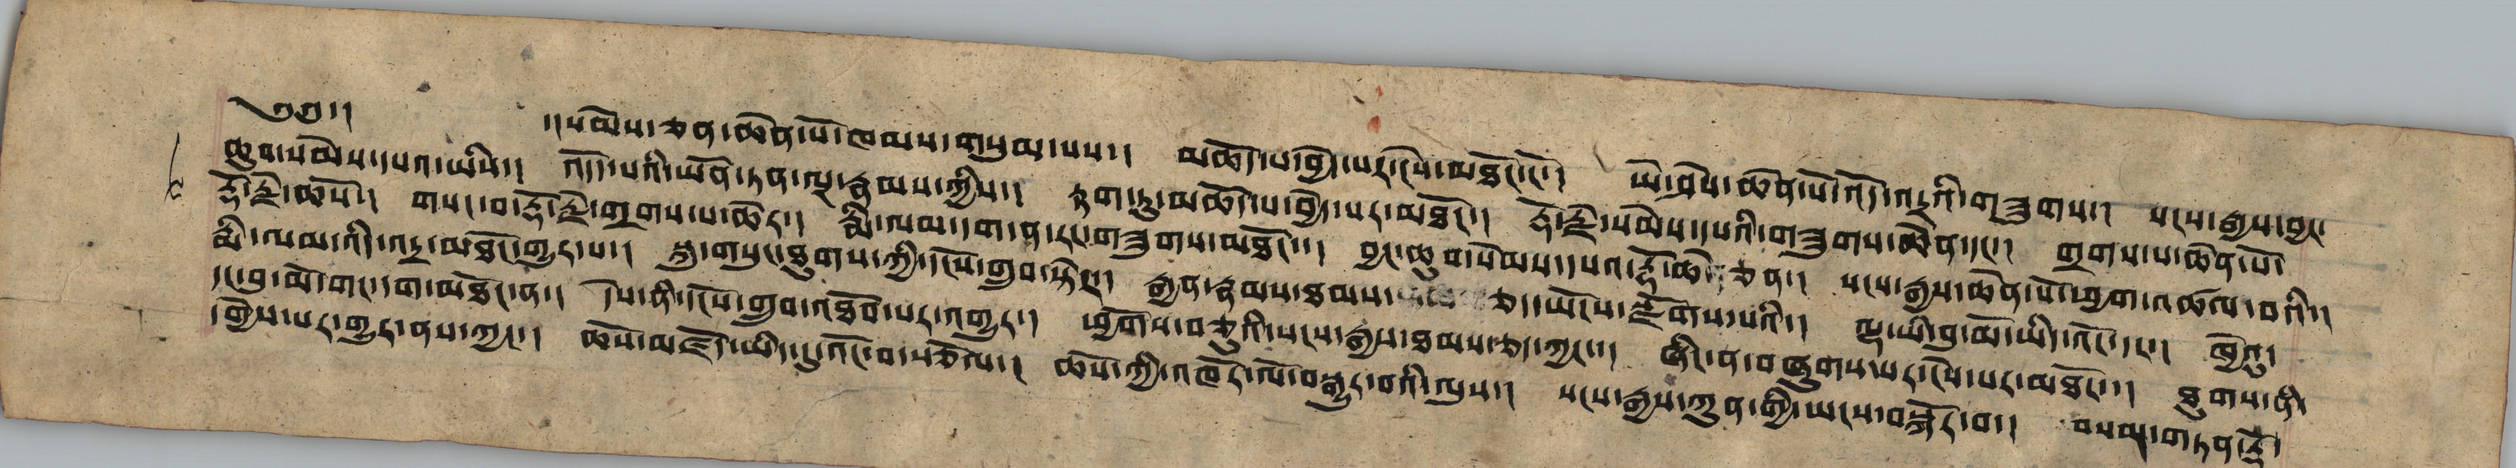༄༅་། ་།སེམས་ཅན་ཆེན་པོ་ཁམས་གསུམ་པས་། མཆོད་པ་བྱེད་པར་ངེས་མཐོང་ངོ་་། ཡེ་ཤེས་ཆེན་པོ་འོད་འདྲའི་གཟུགས་། སངས་རྒྱས་བྱང་
ཆུབ་སེམས་དཔའ་ཡིས་། འདོད་པའི་ཡོན་ཏན་ལྔ་རྣམས་ཀྱིས་། རྟག་ཏུ་མཆོད་པ་བྱེད་པར་མཐོང་། རྡོ་རྗེ་སེམས་དཔའི་གཟུགས་ཆེན་དང་། གྲགས་པ་ཆེན་པོ་
རྡོ་རྗེ་ཆོས་། གསང་བ་རྡོ་རྗེ་གྲགས་པ་ཆེར་། རྨི་ལམ་དག་ན་རང་གཟུགས་མཐོང་་། བྱང་ཆུབ་སེམས་དཔའ་རྡོ་ཆེ་ ཅན་། སངས་རྒྱས་ཆེན་པོ་ཕྱག་འཚལ་བའི་།
རྨི་ལམ་འདི་འདྲ་མཐོང་གྱུར་པ་། སྐུ་གསུང་ཐུགས་ཀྱི་དངོས་གྲུབ་སྟེར་། རྒྱན་རྣམས་ཐམས་ ཅད་ཡོངས་སྫོགས་པའི་། ལྷ་ཡི་བུ་མོ་ཡིད་འོང་དང་། ཁྱེའུ་
དང་བུ་མོ་གང་དག་མཐོང་ན་། དེས་ནི་དངོས་གྲུབ་འཐོབ་པར་འགྱུར་། ཕྱོགས་བཅུའི་སངས་རྒྱས་ཐམས་ཅད་ཀྱང་་། ཞིང་ན་བཞུགས་པར་ངེས་པར་མཐོང་་། ཐུགས་ནི་
དགྱེས་པར་གྱུར་ནས་ཀྱང་། ཆོས་མཛོད་ཡིད་དུ་འོང་བ་སྩོལ་། ཆོས་ཀྱི་འཁོར་ལོ་བསྒྱུར་བའི་ལུས་། སངས་རྒྱས་ཀུན་གྱི་ཡངས་བསྐོར་བ་། བསམ་གཏན་རྡོ་